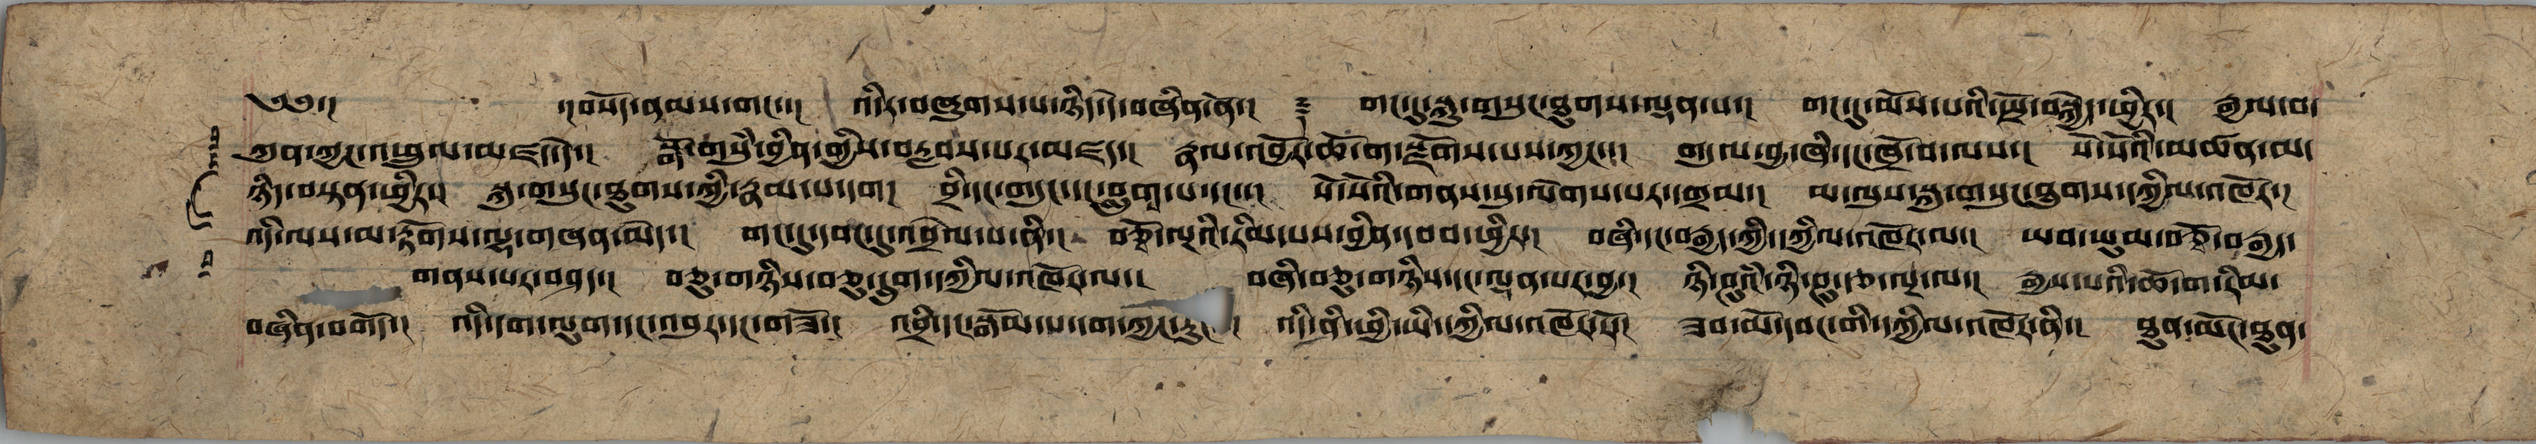༄༅་། ་།བསོད་ནམས་གང་་། འདིར་བཞུགས་པ་ཉིད་དེ་བཞིན་ནོ་། ࿑ གང་དུ་སྐུ་གསུང་ཐུགས་ལྡན་པ་། གང་དུ་མོས་པའི་སྤྲོ་བསྐྱེད་ཕྱིར་། རྒྱལ་བ་
ཀུན་ཀྱང་འཕྲུལ་མཛད་དེ་། སྒོ་གསུཾ་བྱིན་གྱིས་བརླབས་པར་མཛད་། རྣལ་འབྱོར་ཆོ་ག་སྫོགས་པས་ཀྱང་་། གདུལ་བྱ་ཞི་དང་ཁྲོ་བ་ལས་། སོ་སོའི་མཚན་མ་
ཉིད་བསྟན་ཕྱིར་། སྐུ་གསུངཐུགས་ཀྱི་རྣམ་པ་དག། བྲི་དང་གདུང་དང་བླུག་པ་དང་་། སོ་སོའི་གནས་སུ་ལོགས་པར་དགྲམ་། མ་ལུས་སྐུ་གསུང་ཐུགས་དཀྱིལ་འཁོར་།
འདི་ལས་མ་རྟོགས་ལྷ་གཞན་མེད་། གང་དུ་དབང་དུ་འབྲེལ་པ་ནི་། བཅྭོ་ལྔའི་རིམ་པས་བྱིན་དབབ་ཕྱིར་། བཞི་དང་བརྒྱད་ཀྱི་དཀྱིལ་འཁོར་ལ་། ཡབ་ཡུམ་བཅྭོ་བརྒྱད་
གནས་པར་བཤད་། བཅུ་གཉིས་བཅུ་དྲུག་དཀྱིལ་འཁོར་ལ་། བཞི་བཅུ་གཉིས་དང་ལྡན་པར་་བྱ་། ཉི་ཤུའི་ཉི་ཤུ་རྩ་ལྔ་ལ་། རྒྱས་པའི་ཆོ་ག་རིམ་
བཞིན་བགོད་། འདི་དག་ལུག་དང་འབུར་དང་གཟོ་། འབྲི་དང་སྒོམ་པ་དག་ཀྱང་རུང་་། འདི་ནི་ཕྱི་ཡི་དཀྱིལ་འཁོར་རོ་། ཟབ་མོ་དབང་གི་དཀྱིལ་འཁོར་ནི་། ཐུན་མོང་ཐུན་